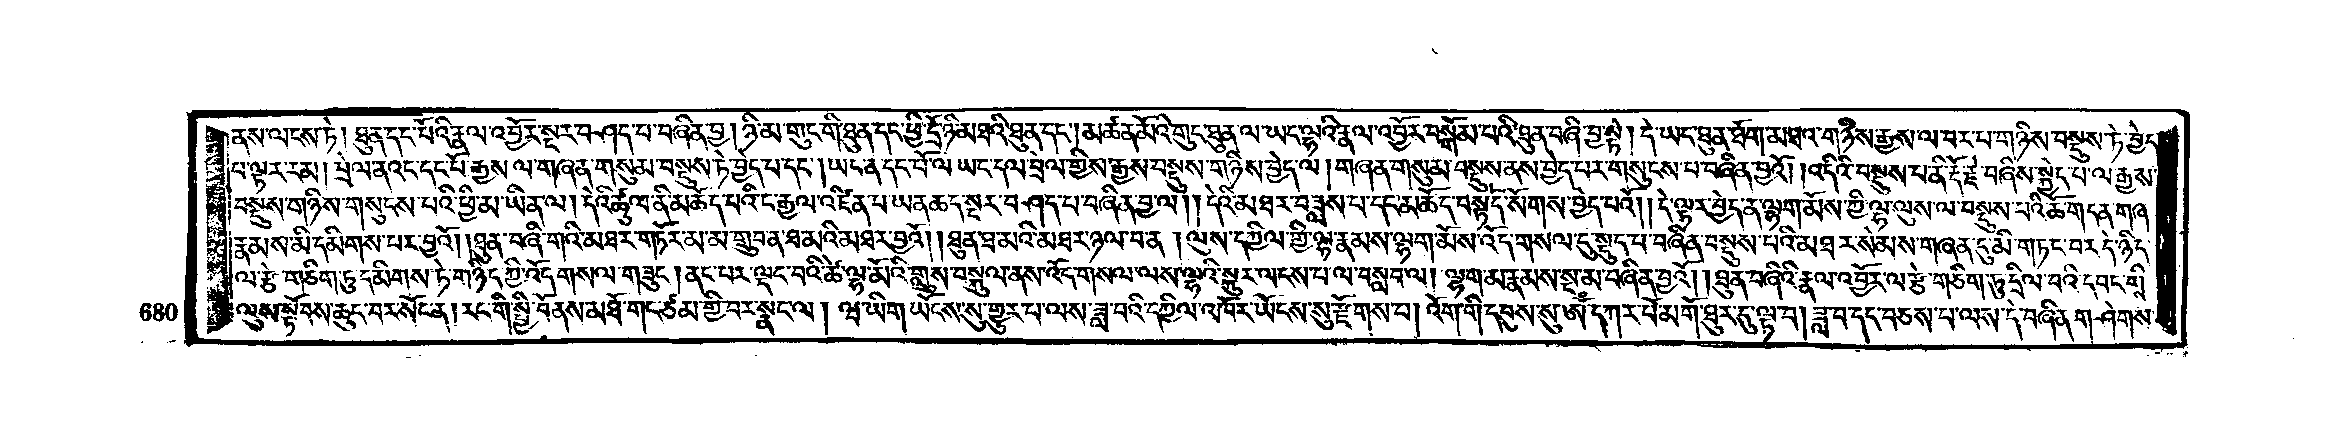ནས་ལངས་ཏེ། ཐུན་དང་པོའི་རྣལ་འབྱོར་སྔར་བཤད་པ་བཞིན་བྱ། ཉི་མ་གུང་གི་ཐུན་དང་ཕྱི་དྲོ་ཉི་མཐའི་ཐུན་དང་། མཚན་མོའི་གུང་ཐུན་ལ་ཡང་ལྷའི་རྣལ་འབྱོར་བསྒོམ་པའི་ཐུན་བཞི་བྱ་སྟེ། དེ་ཡང་ཐུན་ཐོག་མཐའ་གཉིས་རྒྱས་ལ་བར་པ་གཉིས་བསྡུས་ཏེ་བྱེད་
པ་ལྟར་རམ། བྲེལ་ནའང་དང་པོ་རྒྱས་ལ་གཞན་གསུམ་བསྡུས་ཏེ་བྱེད་པ་དང་། ཡང་ན་དང་པོ་ལ་ཡང་དལ་བྲེལ་གྱིས་རྒྱས་བསྡུས་གཉིས་བྱེད་ལ། གཞན་གསུམ་བསྡུས་ནས་བྱེད་པར་གསུངས་པ་བཞིན་བྱའོ། །འདིའི་བསྡུས་པ་ནི་རྡོ་རྗེ་བཞིས་སྐྱེད་པ་ལ་རྒྱས་
བསྡུས་གཉིས་གསུངས་པའི་ཕྱི་མ་ཡིན་ལ། དེའི་ཚུལ་ནི་མཆོད་པའི་ང་རྒྱལ་འཛིན་པ་ཡན་ཆད་སྔར་བཤད་པ་བཞིན་བྱ་ལ། །དེའི་མཐར་བཟླས་པ་དང་མཆོད་བསྟོད་སོགས་བྱེད་པའོ། །དེ་ལྟར་བྱེད་ན་ལྷག་མོས་ཀྱི་ལྷ་ལུས་ལ་བསྡུས་པའི་ཚེ་གདན་གཞན་
རྣམས་མི་དམིགས་པར་བྱའོ། །ཐུན་བཞི་གའི་མཐར་གཏོར་མ་མ་གྲུབ་ན་ཐ་མའི་མཐར་བྱའོ། །ཐུན་ཐ་མའི་མཐར་ཉལ་བ་ན། ལུས་དཀྱིལ་གྱི་ལྷ་རྣམས་ལྷག་མོས་འོད་གསལ་དུ་སྡུད་པ་བཞིན་བསྡུས་པའི་མཐར་སེམས་གཞན་དུ་མི་གཏང་བར་དེ་ཉིད་
ལ་རྩེ་གཅིག་ཏུ་དམིགས་ཏེ་གཉིད་ཀྱི་འོད་གསལ་གཟུང་། ནང་པར་ལྡང་བའི་ཚེ་ལྷ་མོའི་གླུས་བསྐུལ་ནས་འོད་གསལ་ལས་ལྷའི་སྐུར་ལངས་པ་ལ་བསླབ་ལ། ལྷག་མ་རྣམས་སྔ་མ་བཞིན་བྱའོ། །ཐུན་བཞིའི་རྣལ་འབྱོར་ལ་རྩེ་གཅིག་ཏུ་དྲིལ་བའི་དབང་གིས་
ལུས་སྟོབས་ཆུང་བར་སོང་ན། རང་གི་སྤྱི་བོ་ནས་མཐོ་གང་ཙམ་གྱི་བར་སྣང་ལ། ཝ་ཡིག་ཡོངས་སུ་གྱུར་པ་ལས་ཟླ་བའི་དཀྱིལ་འཁོར་ཡོངས་སུ་རྫོགས་པ། འོག་གི་དབུས་སུ་ཨོཾ་དཀར་པོ་མགོ་ཐུར་དུ་ལྟ་བ། ཟླ་བ་དང་བཅས་པ་ལས་དེ་བཞིན་གཤེགས་